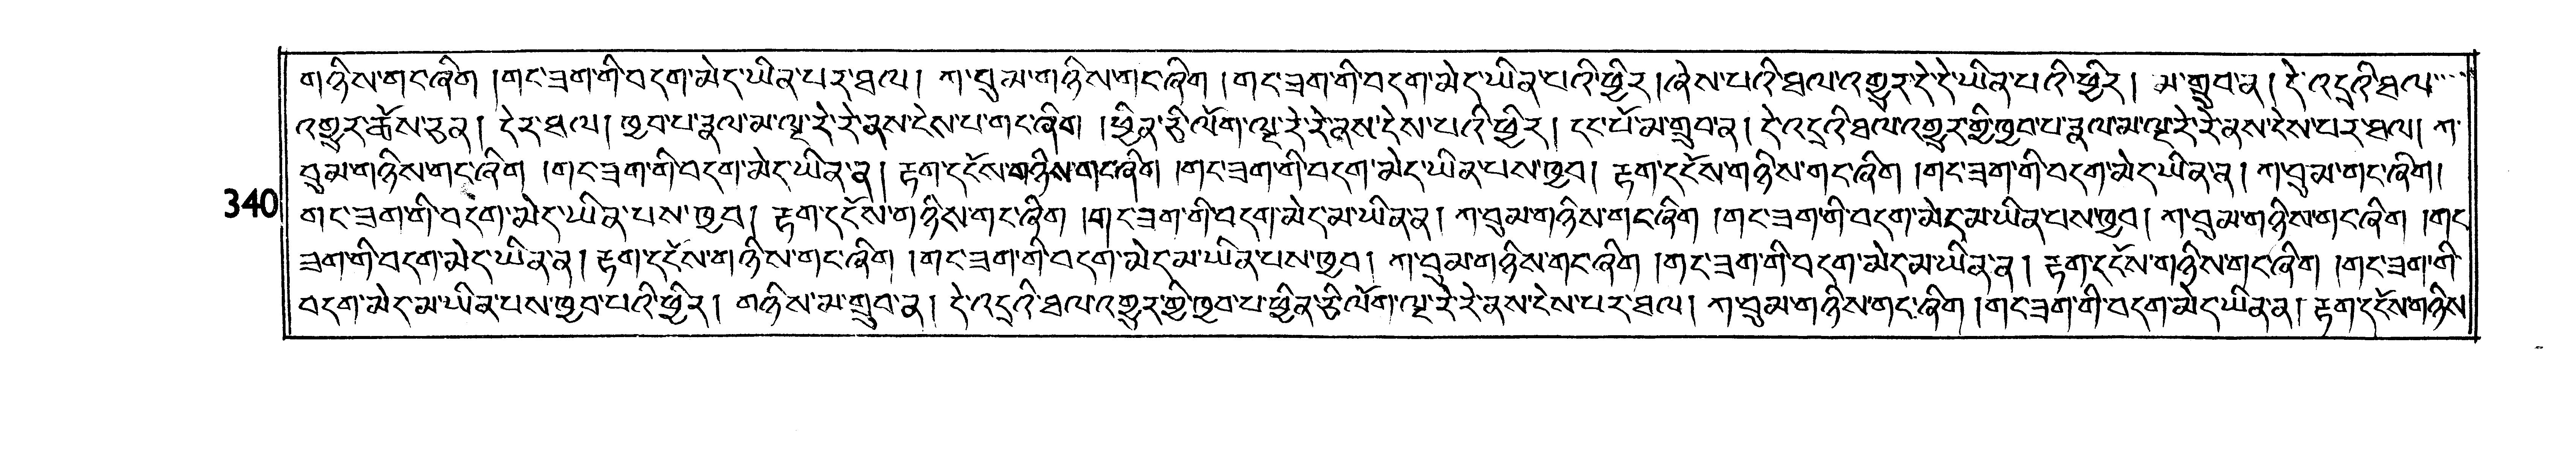གཉིས་གང་ཞིག །གང་ཟག་གི་བདག་མེད་ཡིན་པར་ཐལ། ཀ་བུམ་གཉིས་གང་ཞིག །གང་ཟག་གི་བདག་མེད་ཡིན་པའི་ཕྱིར། ཞེས་པའི་ཐལ་འགྱུར་དེ་དེ་ཡིན་པའི་ཕྱིར། མ་གྲུབ་ན། དེ་འདྲའི་ཐལ་
འགྱུར་ཆོས་ཅན། དེར་ཐལ། ཁྱབ་པ་རྣལ་འབྱོར་མ་ལྔ་རེ་རེ་ནས་ངེས་པ་གང་ཞིག །ཕྱིན་ཅི་ལོག་ལྔ་རེ་རེ་ནས་ངེས་པའི་ཕྱིར། དང་པོ་མ་གྲུབ་ན། དེ་འདྲའི་ཐལ་འགྱུར་གྱི་ཁྱབ་པ་རྣལ་མ་ལྔ་རེ་རེ་ནས་ངེས་པར་ཐལ། ཀ་
བུམ་གཉིས་གང་ཞིག །གང་ཟག་གི་བདག་མེད་ཡིན་ན། རྟག་དངོས་གཉིས་གང་ཞིག །གང་ཟག་གི་བདག་མེད་ཡིན་པས་ཁྱབ། རྟག་དངོས་གཉིས་གང་ཞིག །གང་ཟག་གི་བདག་མེད་ཡིན་ན། ཀ་བུམ་གང་ཞིག །
གང་ཟག་གི་བདག་མེད་ཡིན་པས་ཁྱབ། རྟག་དངོས་གཉིས་གང་ཞིག །གང་ཟག་གི་བདག་མེད་མ་ཡིན་ན། ཀ་བུམ་གཉིས་གང་ཞིག །གང་ཟག་གི་བདག་མེད་མ་ཡིན་པས་ཁྱབ། ཀ་བུམ་གཉིས་གང་ཞིག །གང་
ཟག་གི་བདག་མེད་ཡིན་ན། རྟག་དངོས་གཉིས་གང་ཞིག །གང་ཟག་གི་བདག་མེད་མ་ཡིན་པས་ཁྱབ། ཀ་བུམ་གཉིས་གང་ཞིག །གང་ཟག་གི་བདག་མེད་མ་ཡིན་ན། རྟག་དངོས་གཉིས་གང་ཞིག །གང་ཟག་གི་
བདག་མེད་མ་ཡིན་པས་ཁྱབ་པའི་ཕྱིར། གཉིས་མ་གྲུབ་ན། དེ་འདྲའི་ཐལ་འགྱུར་གྱི་ཁྱབ་པ་ཕྱིན་ཅི་ལོག་ལྔ་རེ་རེ་ནས་ངེས་པར་ཐལ། ཀ་བུམ་གཉིས་གང་ཞིག །གང་ཟག་གི་བདག་མེད་ཡིན་ན། རྟག་དངོས་གཉིས་